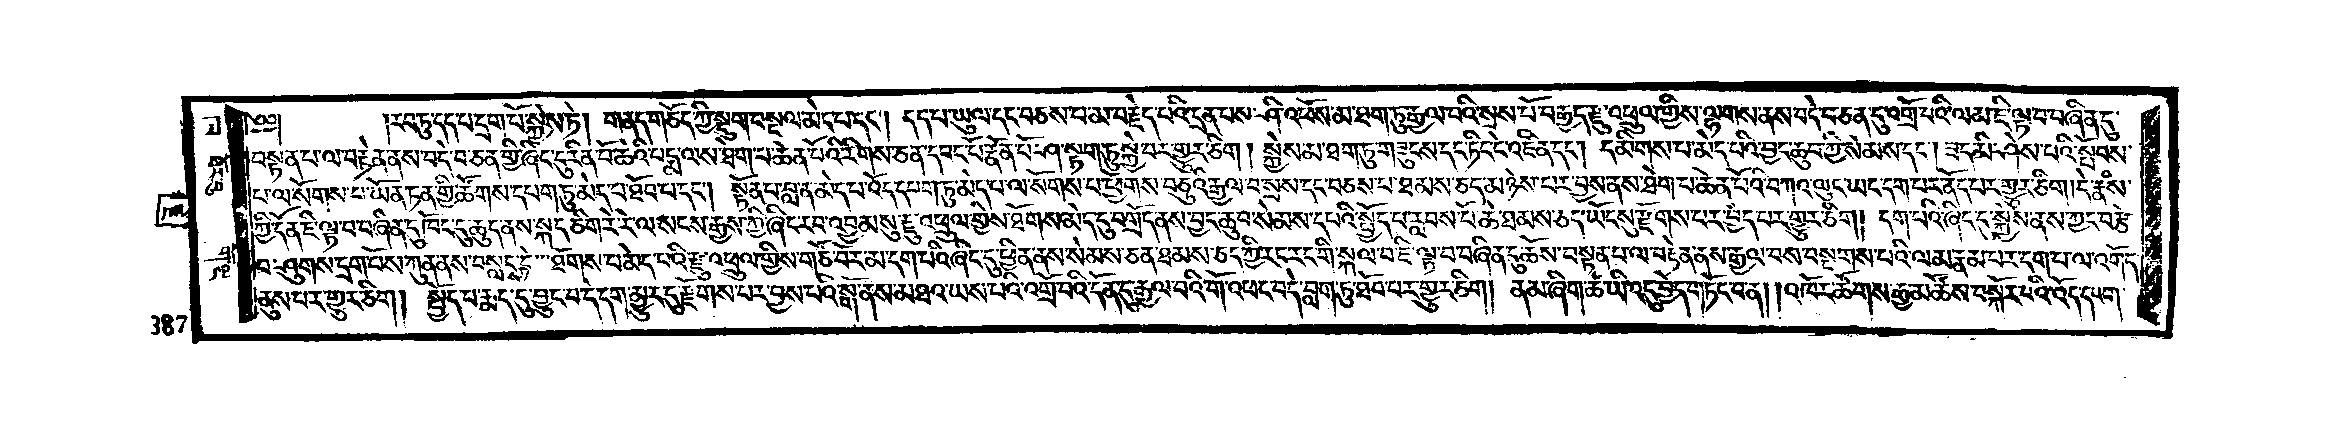༄༅། །རབ་ཏུ་དད་པ་དྲག་པོ་སྐྱེས་ཏེ། གནད་གཅོད་ཀྱི་སྡུག་བསྔལ་མེད་པ་དང་། དད་པ་ཡུལ་དང་བཅས་པ་མ་བརྗེད་པའི་དྲན་པས་ཤི་འཕོས་མ་ཐག་ཏུ་རྒྱལ་བའི་སྲས་པོ་བརྒྱད་རྫུ་འཕྲུལ་གྱིས་ལྷགས་ནས་བདེ་བ་ཅན་དུ་འགྲོ་བའི་ལམ་ཇི་ལྟ་བ་བཞིན་དུ་
བསྟན་པ་ལ་བརྟེན་ནས་བདེ་བ་ཅན་གྱི་ཞིང་དུ་རིན་པོ་ཆེའི་པདམ་ལས་ཐེག་པ་ཆེན་པོའི་རིགས་ཅན་དབང་པོ་རྣོན་པོ་ཤ་སྟག་ཏུ་སྐྱེ་བར་གྱུར་ཅིག །སྐྱེས་མ་ཐག་ཏུ་གཟུངས་དང་ཏིང་ངེ་འཛིན་དང་། དམིགས་པ་མེད་པའི་བྱང་ཆུབ་ཀྱི་སེམས་དང་། ཟད་མི་ཤེས་པའི་སྤོབས་
པ་ལ་སོགས་པ་ཡོན་ཏན་གྱི་ཚོགས་དཔག་ཏུ་མེད་པ་ཐོབ་པ་དང་། སྟོན་པ་བླ་ན་མེད་པ་འོད་དཔག་ཏུ་མེད་པ་ལ་སོགས་པ་ཕྱོགས་བཅུའི་རྒྱལ་བ་སྲས་དང་བཅས་པ་ཐམས་ཅད་མཉེས་པར་བྱས་ནས་ཐེག་པ་ཆེན་པོའི་བཀའ་ལུང་ཡང་དག་པར་ནོད་པར་གྱུར་ཅིག །དེ་རྣམས་
ཀྱི་དོན་ཇི་ལྟ་བ་བཞིན་དུ་ཁོང་དུ་ཆུད་ནས་སྐད་ཅིག་རེ་རེ་ལ་སངས་རྒྱས་ཀྱི་ཞིང་རབ་འབྱམས་སུ་རྫུ་འཕྲུལ་གྱིས་ཐོགས་མེད་དུ་འགྲོད་ནས་བྱང་ཆུབ་སེམས་དཔའི་སྤྱོད་པ་རླབས་པོ་ཆེ་ཐམས་ཅད་ཡོངས་སུ་རྫོགས་པར་བྱད་པར་གྱུར་ཅིག ། དག་པའི་ཞིང་དུ་སྐྱེས་ནས་ཀྱང་བརྩེ་
བ་ཤུགས་དྲག་པོས་ཀུན་ནས་བསླངས་ཏེ་ཐོགས་པ་མེད་པའི་རྫུ་འཕྲུལ་གྱིས་གཙོ་བོར་མ་དག་པའི་ཞིང་དུ་ཕྱིན་ནས་སེམས་ཅན་ཐམས་ཅད་ཀྱི་རང་རང་གི་སྐལ་བ་ཇི་ལྟ་བ་བཞིན་དུ་ཆོས་བསྟན་པ་ལ་བརྟེན་ནས་རྒྱལ་བས་བསྔགས་པའི་ལམ་རྣམ་པར་དག་པ་ལ་འགད་
ནུས་པར་གྱུར་ཅིག ། སྤྱོད་པ་རྨད་དུ་བྱུང་བ་དེ་དག་མྱུར་དུ་རྫོགས་པར་བྱས་པའི་སྒོ་ནས་མཐའ་ཡས་པའི་འགྲོ་བའི་དོན་དུ་རྒྱལ་བའི་གོ་འཕང་བདེ་བླག་ཏུ་ཐོབ་པར་གྱུར་ཅིག །ནམ་ཞིག་ཚེ་ཡི་འདུ་བྱེད་གཏོང་བ་ན། །འཁོར་ཚོགས་རྒྱ་མཚོས་བསྐོར་བའི་འོད་དཔག་